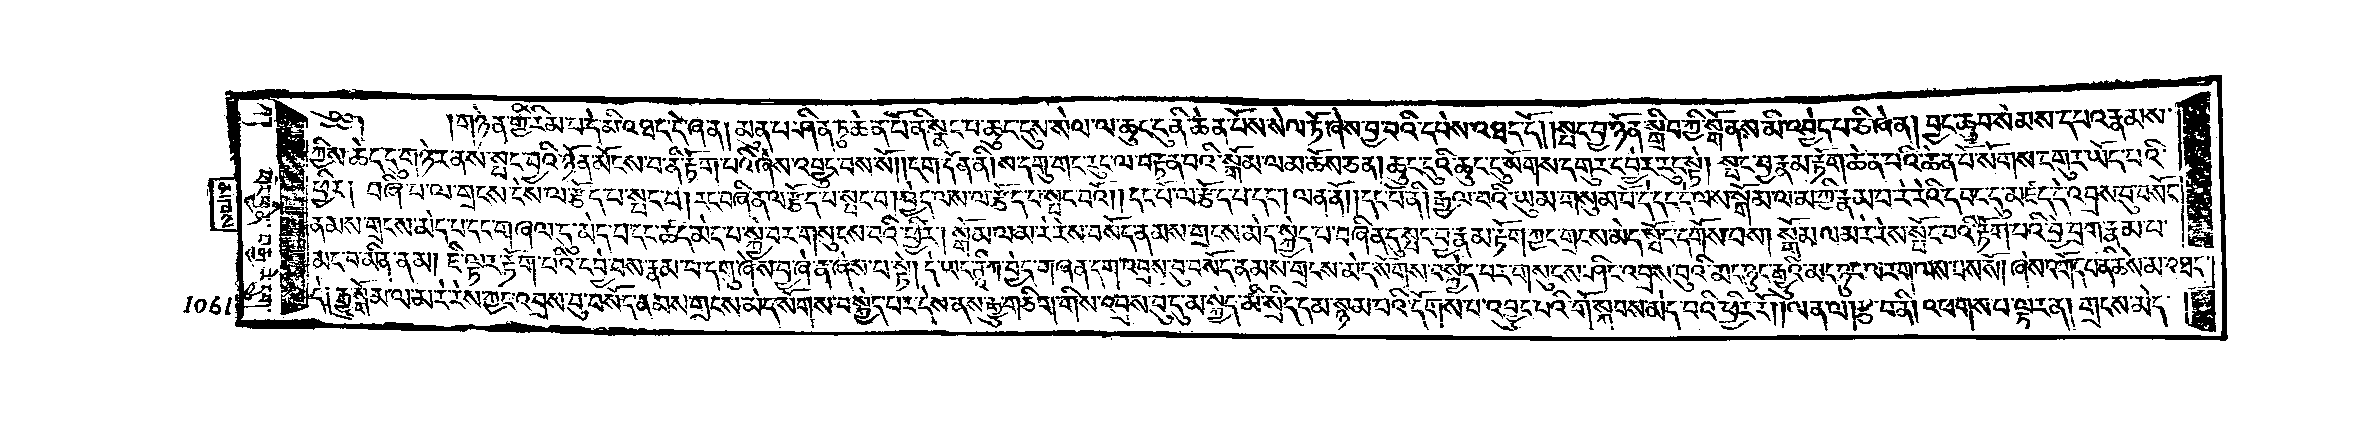༄༅། །གཉེན་གྱི་རིམ་པ་དེ་མི་འཐད་དེ་ཞེ་ན། མུན་པ་ཤིན་ཏུ་ཆེན་པོ་ནི་སྣང་བ་ཆུང་དུས་སེལ་ལ་ཆུང་ངུ་ནི་ཆེན་པོས་སེལ་ཏོ་ཞེས་བྱ་བའི་དཔེས་འཐད་དོ། །སྤང་བྱ་ཉོན་སྒྲིབ་ཀྱི་སྒོ་ནས་མི་འབྱེད་པ་ཅི་ཞེ་ན། བྱང་ཆུབ་སེམས་དཔའ་རྣམས་
ཀྱིས་ཆེད་དུ་གཉེར་ནས་སྤང་བྱའི་ཉོན་མོངས་པ་ནི་རྟོག་པའི་ཞེས་འབྱུང་བས་སོ། །ངག་དོན་ནི། ས་དགུ་གང་རུང་ལ་བརྟན་པའི་སྒོམ་ལམ་ཆོས་ཅན། ཆུང་ངུའི་ཆུང་ངུ་སོགས་དགུར་དབྱེར་རུང་སྟེ། སྤང་བྱ་རྣམ་རྟོག་ཆེན་པའི་ཆེན་པོ་སོགས་དགུར་ཡོད་པའི་
ཕྱིར༑ བཞི་པ་ལ་གྲངས་ངེས་ལ་རྩོད་པ་སྤང་བ། རང་བཞིན་ལ་རྩོད་པ་སྤང་བ། བྱེད་ལས་ལ་རྩོད་པ་སྤང་བའོ། །དང་པོ་ལ་རྩོད་པ་དང་། ལན་ནོ། །དང་པོ་ནི། རྒྱལ་བའི་ཡུམ་གསུམ་པོ་དེ་དང་དེ་ལས་སྒོམ་ལ་མ་ཀྱི་རྣམ་པ་རེ་རེའི་དབང་དུ་མཛད་དེ་འབྲས་བུ་བསོང་
ནམས་གྲངས་མེད་པ་དང་གཞལ་དུ་མེད་པ་དང་ཚད་མེད་པ་སྐྱེ་བར་གསུངས་པའི་ཕྱིར། སྒོམ་ལམ་རེ་རེས་བསོད་ནམས་གྲངས་མེད་སྐྱེད་པ་བཞིན་དུ་སྤང་བྱ་རྣམ་རྟོག་ཀྱང་གྲངས་མེད་སྤོང་དགོས་པས། སྒོམ་ལམ་རེ་རེས་སྤོང་བའི་རྟོག་པའི་བྱེ་བྲག་རྣམ་པ་
མང་བ་མིན་ནམ། ཇི་ལྟར་རྟོག་པའི་དབྱེ་བས་རྣམ་པ་དགུ་ཞེས་བྱ་ཞེ་ན་ཞེས་པ་སྟེ། དེ་ཡང་ཊཱིཀ་བྱེད་གཞན་དག་འབྲས་བུ་བསོད་ནམས་གྲངས་མེད་སོགས་བསྐྱེད་པར་གསུངས་ཤིང་འབྲས་བུའི་མང་ཉུང་རྒྱུའི་མང་ཉུང་ལ་རག་ལས་པས་སོ། ཞེས་འགོད་པ་ནི་ཆེས་མ་འཐད་
དེ༑ རྒྱུ་སྒོམ་ལམ་རེ་རེས་ཀྱང་འབྲས་བུ་བསོད་ནམས་གྲངས་མེད་སོགས་བསྐྱེད་པར་དེས་ནས་རྒྱུ་གཅིག་གིས་འབྲས་བུ་དུ་མ་སྐྱེད་མི་སྲིད་དམ་སྙམ་པའི་དོགས་པ་འབྱུང་བའི་གོ་སྐབས་མེད་པའི་ཕྱིར་རོ། །ལན་ལ། རྩ་བ་ནི། འཕགས་པ་ལྟར་ན། གྲངས་མེད་